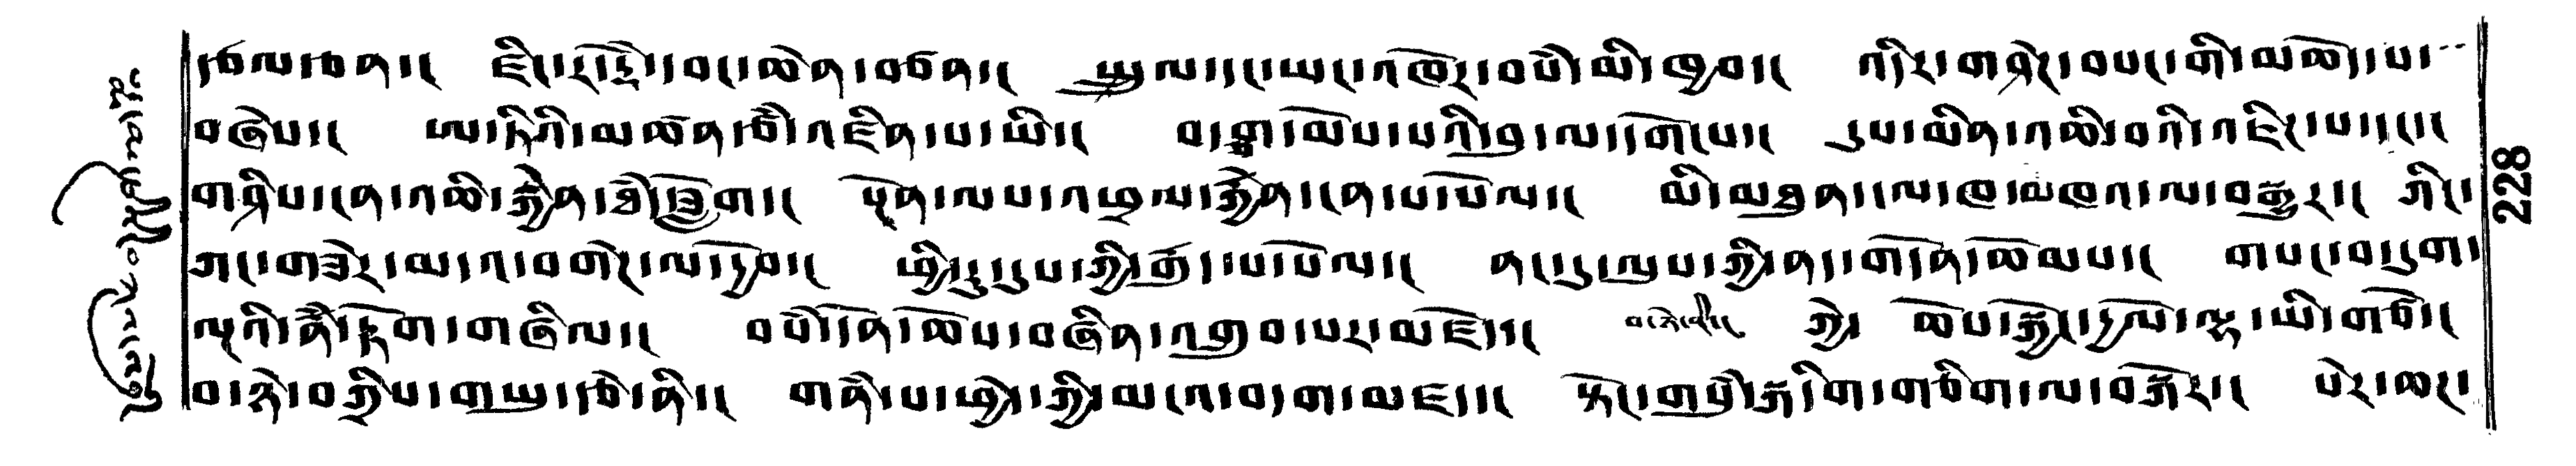རྩལ་ཅན། །ཛིང་ར་རྡོ་རྗེ་དབང་ཆེན་བཙན། །སྤྲུལ་དང་ཡང་འཁོར་བསམ་མི་ཁྱབ། །འདིར་གཤེགས་བསང་གི་མཆོད་པ་
བཞེས། །ཨ་ཏིའི་མཚན་ཙམ་འཛིན་པ་ཡི། །བདག་ཅག་མོས་པའི་བུ་ལ་དགོངས། །དུས་མིན་འཆི་བའི་འཇིགས་པ་དང་། །
གཤིས་ངན་འཆི་རྐྱེན་ཐམས་ཅད་ཟློགསྔོན་ལས་འཕྲལ་རྐྱེན་ངན་པ་སོལ། །མི་མཐུན་དལ་ཁ་མཁའ་ལ་བསྒྱུར། །ཀིང་
ཀང་གཟེར་མདའ་བགེགས་ལ་རྒྱོབ། །ཕྱི་རུ་དུས་ཀྱི་རྒུད་པ་སོལ། །ནང་དུ་ལུས་ཀྱི་ནད་གདོན་ཆོམས། །གསང་བ་དུག་
ལྔའི་རྣམ་རྟོག་གཞིལ། །བསམ་དོན་ཆོས་བཞིན་འགྲུབ་པར་མཛོད། བ་ཉེ་ནི། ཀྱེ། །ཆོས་སྐྱོང་རྒྱལ་པོ་ལྷ་ཡི་གཙོ། །
བ་ཉེ་བཀྲ་ཤིས་གཡུ་རྩ་ནི། །གནམ་ས་ཕྱེད་ཀྱི་མངའ་བདག་མཛད། །སྟོང་གསུམ་སྐད་ཅིག་གཅིག་ལ་བསྐོར། །སེར་ཆགས་